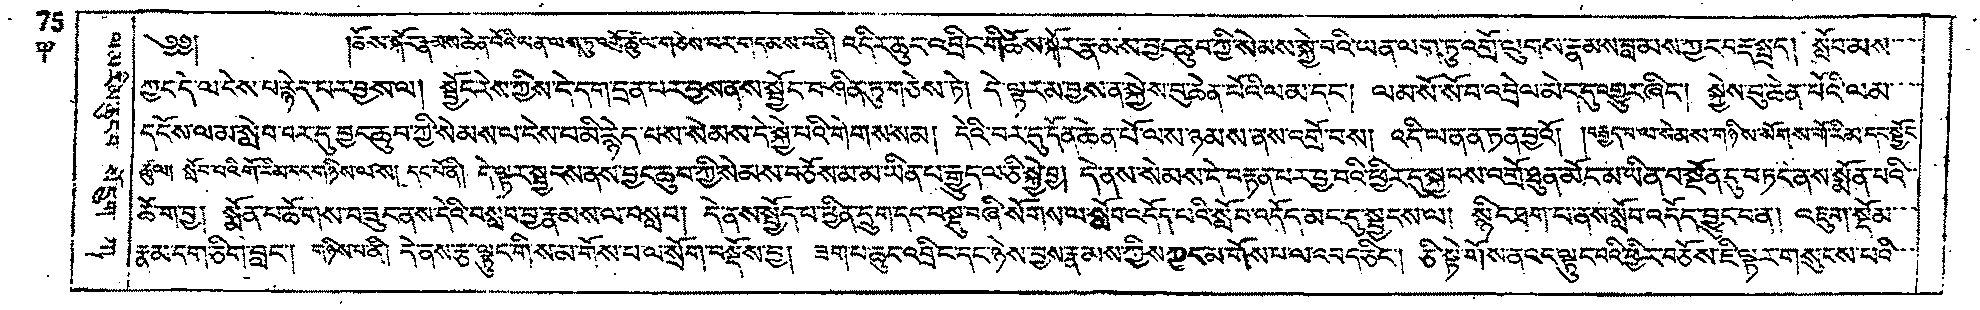༄༅། ། ཆོས་སྐོར་རྣམས་ཆེན་པོའི་ཡན་ལག་ཏུ་འགྲོ་ཚུལ་གཅེས་པར་གདམས་པ་ནི། འདིར་ཆུང་འབྲིང་གི་ཆོས་སྐོར་རྣམས་བྱང་ཆུབ་ཀྱི་སེམས་སྐྱེ་བའི་ཡན་ལག་ཏུ་འགྲོ་ལུགས་རྣམས་བླ་མས་ཀྱང་བརྡ་སྤྲད། སློབ་མས་
ཀྱང་དེ་ལ་ངེས་པ་རྙེད་པར་བྱས་ལ། སྦྱོང་རེས་ཀྱིས་དེ་དག་དྲན་པར་བྱས་ནས་སྦྱོང་བ་ཤིན་ཏུ་གཅེས་ཏེ། དེ་ལྟར་མ་བྱས་ན་སྐྱེས་བུ་ཆེན་པོའི་ལམ་དང་། ལམ་སོ་སོ་བ་འབྲེལ་མེད་དུ་འགྱུར་ཞིང་། སྐྱེས་བུ་ཆེན་པོའི་ལམ་
དངོས་ལ་མ་སླེབ་བར་དུ་བྱང་ཆུབ་ཀྱི་སེམས་ལ་ངེས་པ་མི་རྙེད་པས་སེམས་དེ་སྐྱེ་པའི་གེགས་སམ། དེའི་བར་དུ་དོན་ཆེན་པོ་ལས་ཉམས་ནས་འགྲོ་བས། འདི་ལ་ནན་ཏན་བྱའོ། ། བརྒྱད་པ་ལ་སེམས་གཉིས་སོགས་གོ་རིམ་དང་སྦྱོང
ཚུལ། སློབ་པའི་གོ་རིམ་དང་གཉིས་ལས། དང་པོ་ནི།  དེ་ལྟར་སྦྱངས་ནས་བྱང་ཆུབ་ཀྱི་སེམས་བཅོས་མ་མ་ཡིན་པ་རྒྱུད་ལ་ཅི་སྐྱེ་བྱ། དེ་ནས་སེམས་དེ་བརྟན་པར་བྱ་བའི་ཕྱིར་དུ་སྐྱབས་འགྲོ་ཐུན་མོང་མ་ཡིན་པ་སྔོན་དུ་བཏང་ནས་སྨོན་པའི་
ཚེ་ག་བྱ། སྨོན་པ་ཆོ་གས་བཟུང་ནས་དེའི་བསླབ་བྱ་རྣམས་ལ་བསླབ། དེ་ནས་སྤྱོད་པ་ཕྱིན་དྲུག་དང་བསྡུ་བཞི་སོགས་ལ་སློབ་འདོད་པའི་སློབ་འདོད་མང་དུ་སྦྱངས་ལ། སྙིང་ཐག་པ་ནས་སློབ་འདོད་བྱུང་བ་ན། འཇུག་སྡོམ་
རྣམ་དག་ཅིག་བླང་། གཉིས་པ་ནི།  དེ་ནས་རྩ་ལྟུང་གིས་མ་གོས་པ་ལ་སྲོག་བསྡོས་བྱ། ཟག་པ་ཆུང་འབྲིང་དང་ཉེས་བྱས་རྣམས་ཀྱིས་ཀྱང་མ་གོས་པ་ལ་འབད་ཅིང་། ཅི་སྟེ་གོས་ནའང་ལྟུང་བའི་ཕྱིར་བཅོས་ཇི་ལྟར་གསུངས་པའི་